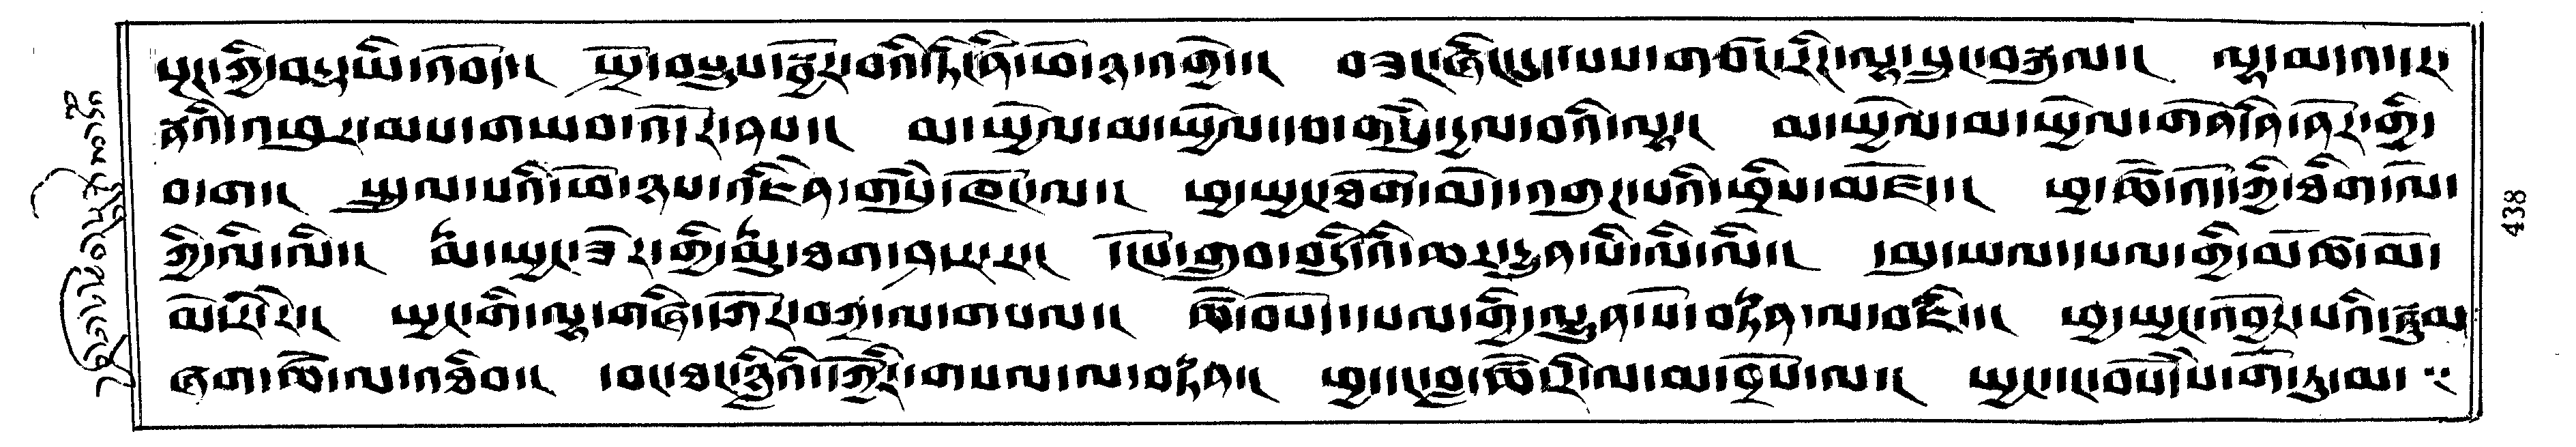སྔགས་ཀྱི་བརྡ་ཡིས་འབོད། སྤྲོ་བསྡུ་སྦྱོར་བའི་ཏིང་འཛིན་ཕོ་ཉ་འགྱེད། །བཟང་ཞིང་དུད་པས་གཙང་རིགས་ལྷ་སྲུང་བསྐུལ། །ལྷ་མདའ་དར་
སྣའི་འཕུར་མས་གཡབ་འདོར་ནས། །མ་གཡེལ་མ་གཡེལ་རྩ་གསུམ་རྒྱལ་བའི་ལྷ། །མ་གཡེལ་མ་གཡེལ་གནོད་སྦྱིན་ནོར་གྱི་
བདག །སྤྲུལ་པའི་ཕོ་ཉས་འཇིག་རྟེན་གསུམ་ཁོངས་ལ། །ཕྱྭ་གཡང་ཐོགས་མེད་འགུགས་པའི་ཕྲིན་ལས་མཛོད། །ཕྱྭ་ཚེ་འདོད་ཀྱི་ཐིག་ལེ་
ཀྱི་ལི་ལི། རྨ་གཡང་ཟེར་གྱི་རྨུ་ཐག་ཤ་ར་ར། དངོས་གྲུབ་བདུད་རྩིའི་ཆར་རྒྱུན་སི་ལི་ལི། དམུ་ཡལ་དཔལ་གྱི་མཚོ་མོ་
མེ་རེ་རེ། གཡང་གི་ལྷ་གཞི་དཀར་པོ་བཀྲ་ལ་གསལ། །ཚེ་བསོད་དཔལ་གྱི་ལྷུན་པོ་བརྟན་ལ་བརྗིད། །ཕྱྭ་གཡང་འབྱོར་པའི་སྣུམ་
ཞག་འཚེར་ལ་འཐིབ། །དབང་ཐང་ཉི་ཟླའི་དཀྱིལ་འཁོར་གསལ་ལ་བརྟན། །ཕྱྭ་དང་བླ་ཚེ་རི་ལ་མ་བྲོས་ལ། །གཡང་དང་བསོད་ནམས་སྒོ་རུ་མ་